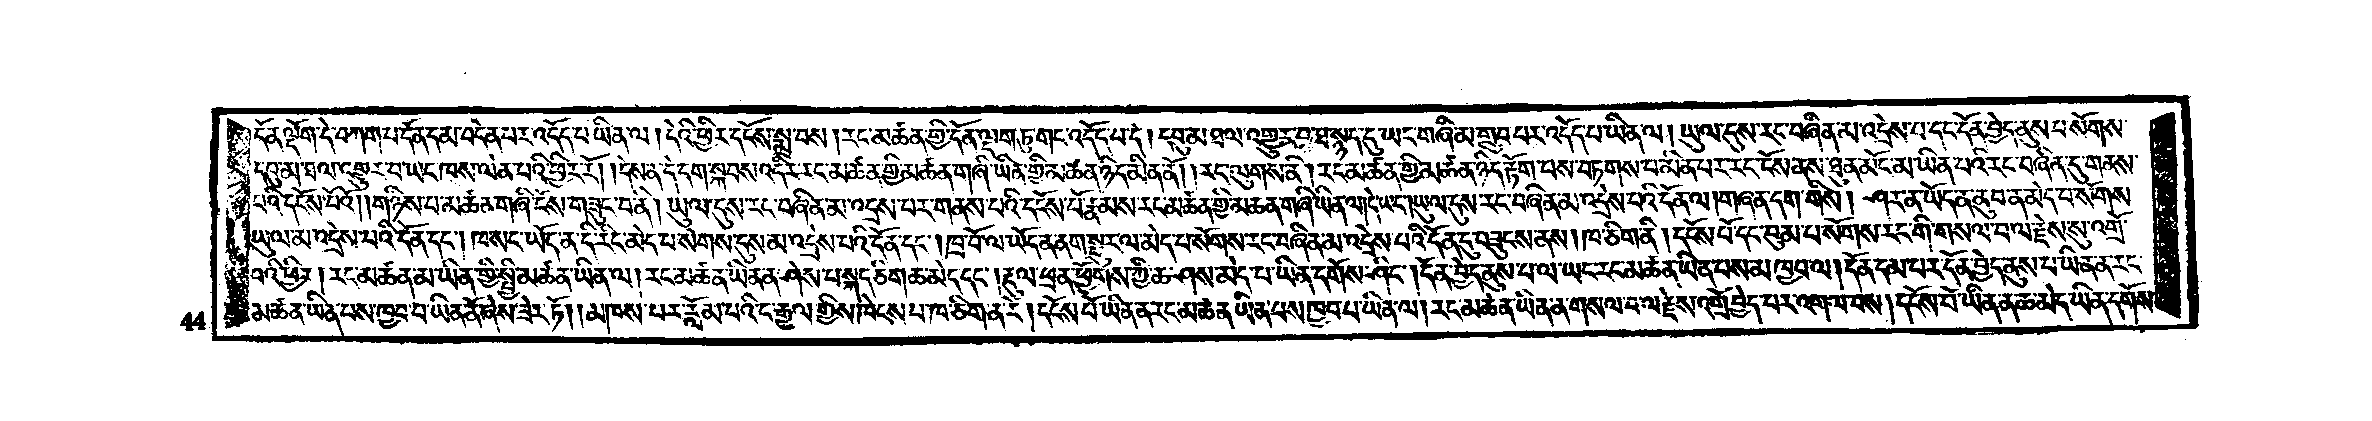དོན་ལྡོག་དེ་བཀག་པ་དོན་དམ་བདེན་པར་འདོད་པ་ཡིན་ལ། དེའི་ཕྱིར་དངོས་སྨྲ་བས། རང་མཚན་གྱི་དོན་ལྡག་ཏུ་གང་འདོད་པ་དེ། དབུ་མ་ཐལ་འགྱུར་བས་ཐ་སྙད་དུ་ཡང་གཞི་མ་གྲུབ་པར་འདོད་པ་ཡིན་ལ། ཡུལ་དུས་རང་བཞིན་མ་འདྲེས་པ་དང་དོན་བྱེད་ནུས་པ་སོགས་
དབུ་མ་ཐལ་འགྱུར་བ་ཡང་ཁས་ལེན་པའི་ཕྱིར་རོ། །དེས་ན་དེ་དག་སྐབས་འདིར་རང་མཚན་གྱི་མཚན་གཞི་ཡིན་གྱི་མཚན་ཉིད་མིན་ནོ། །རང་ལུགས་ནི། རང་མཚན་གྱི་མཚན་ཉིད་རྟོག་པས་བཏགས་པ་མིན་པར་རང་ངོས་ནས་ཐུན་མོང་མ་ཡིན་པའི་རང་བཞིན་དུ་གནས་
པའི་དངོས་པོའི། །གཉིས་པ་མཚན་གཞི་ངོས་གཟུང་བ་ནི། ཡུལ་དུས་རང་བཞིན་མ་འདྲེས་པར་གནས་པའི་དངོས་པོ་རྣམས་རང་མཚན་གྱི་མཚན་གཞི་ཡིན་ལ། དེ་ཡང་། ཡུལ་དུས་རང་བཞིན་མ་འདྲེས་པའི་དོན་ལ། གཞན་དག་གིས། ཤར་ན་ཡོད་ན་ནུབ་ན་མེད་པ་སོགས་
ཡུལ་མ་འདྲེས་པའི་དོན་དང་། ཁ་སང་ཡོད་ན་དི་རིང་མེད་པ་སོགས་དུས་མ་འདྲེས་པའི་དོན་དང་། ཁྲ་བོ་ལ་ཡོད་ན་ནག་སྒུར་ལ་མེད་པ་སོགས་རང་བཞིན་མ་འདྲེས་པའི་དོན་དུ་བཟུངས་ནས། ཁ་ཅིག་ནི། དངོས་པོ་དང་བུམ་པ་སོགས་རང་གི་གསལ་བ་ལ་རྗེས་སུ་འགྲོ་
བའི་ཕྱིར། རང་མཚན་མ་ཡིན་གྱི་སྤྱི་མཚན་ཡིན་ལ། རང་མཚན་ཡིན་ན་ཤེས་པ་སྐད་ཅིག་ཆ་མེད་དང་། རྡུལ་ཕྲན་ཕྱོགས་ཀྱི་ཆ་ཤས་མེད་པ་ཡིན་དགོས་ཤིང་། དོན་བྱེད་ནུས་པ་ལ་ཡང་རང་མཚན་ཡིན་པས་མ་ཁྱབ་ལ། དོན་དམ་པར་དོན་བྱེད་ནུས་པ་ཡིན་ན་རང་
མཚན་ཡིན་པས་ཁྱབ་པ་ཡིན་ནོ་ཞེས་ཟེར་ཏོ། །མཁས་པར་རློམ་པའི་ང་རྒྱལ་གྱིས་ཁེངས་པ་ཁ་ཅིག་ན་རེ། དངོས་པོ་ཡིན་ན་རང་མཚན་ཡིན་པས་ཁྱབ་པ་ཡིན་ལ། རང་མཚན་ཡིན་ན་གསལ་བ་ལ་རྗེས་འགྲོ་བྱེད་པར་འགལ་བས། དངོས་པོ་ཡིན་ན་ཆ་མེད་ཡིན་དགོས་